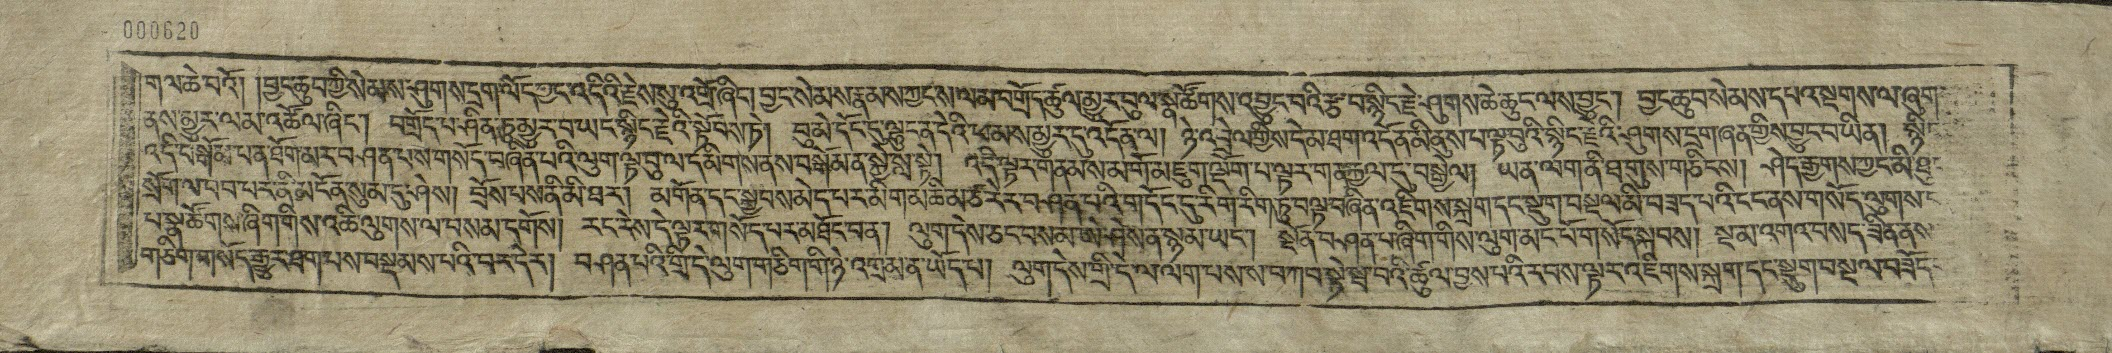གལ་ཆེ་བའོ། །བྱང་ཆུབ་ཀྱི་སེམས་ཤུགས་དྲག་ལོད་ཀྱང་འདིའི་རྗེས་སུ་འགྲོ་ཞིང་། བྱང་སེམས་རྣམས་ཀྱང་ས་ལམ་བགྲོད་ཚུལ་མྱུར་བུལ་སྣ་ཚོགས་འབྱུང་བའི་རྩ་བ་སྙིང་རྗེ་ཤུགས་ཆེ་ཆུང་ལས་བྱུང་། བྱང་ཆུབ་སེམས་དཔའ་སྔགས་ལ་ཞུགས་
ནས་མྱུར་ལམ་འཚོལ་ཞིང་། བགྲོད་པ་ཤིན་ཏུ་མྱུར་བ་ཡང་སྙིང་རྗེའི་སྟོབས་ཏེ། བུ་མེ་དོང་དུ་ལྷུང་ན་དེའི་ཕ་མས་མྱུར་དུ་འདོན་ལ། ཉེ་འབྲེལ་གྱིས་དེ་མ་ཐག་འདོན་མི་ནུས་པ་ལྟ་བུའི་སྙིང་རྗེའི་ཤུགས་དྲག་ཞན་གྱིས་བྱུང་བ་ཡིན། སྙིང་རྗེ་
འདི་བསྒོམ་པ་ན་ཐོག་མར་བཤན་པས་གསོད་བཞིན་པའི་ལུག་ལྟ་བུ་ལ་དམིགས་ནས་བསྒོམ་ན་སྐྱེ་སླ་སྟེ། འདི་ལྟར་གནམ་ས་མགོ་མཇུག་ལྡོག་པ་ལྟར་གན་རྐྱལ་དུ་བསྒྱེལ། ཡན་ལག་ནི་ཐ་གུས་གཅིངས། ཤེད་རྒྱགས་ཀྱང་མི་ཐུབ།
སྲོག་ལ་བབ་པར་ནི་མངོན་སུམ་དུ་ཤེས། བྲོས་པས་ནི་མི་ཐར། མགོན་དང་སྐྱབས་མེད་པར་མིག་མཆི་མ་ཙ་རེར་བཤན་པའི་གདོང་དུ་རིག་རིག་ཏུ་བལྟ་བཞིན་འཇིགས་སྐྲག་དང་སྡུག་བསྔལ་མི་བཟད་པའི་ངང་ནས་གསོད་ལུགས་ངན་
པ་སྣ་ཚོགས་ཞིག་གིས་འཆི་ལུགས་ལ་བསམ་དགོས། རང་རེས་དེ་ལྟར་གསོད་པར་མཐོང་བ་ན། ལུག་དེས་ཅང་བསམ་ཨེ་ཤེས་ན་སྙམ་ཡང་། སྔོན་བཤན་པ་ཞིག་གིས་ལུག་མང་པོ་གསོད་སྐབས། སྔ་མ་འགའ་བསད་ཟིན་ནས།
གཅིག་གསོད་རྒྱུར་ཐག་པས་བསྡམས་པའི་བར་དེར། བཤན་པའི་གྲི་དེ་ལུག་གཅིག་གི་ཉེ་འགྲམ་ན་ཡོད་པ། ལུག་དེས་གྲི་དེ་ལ་ལག་པས་ས་བཀབ་སྟེ་སྦ་བའི་ཚུལ་བྱས་པའི་རབས་ལྟར་འཇིགས་སྐྲག་དང་སྡུག་བསྔལ་བཟོད་དཀའ་